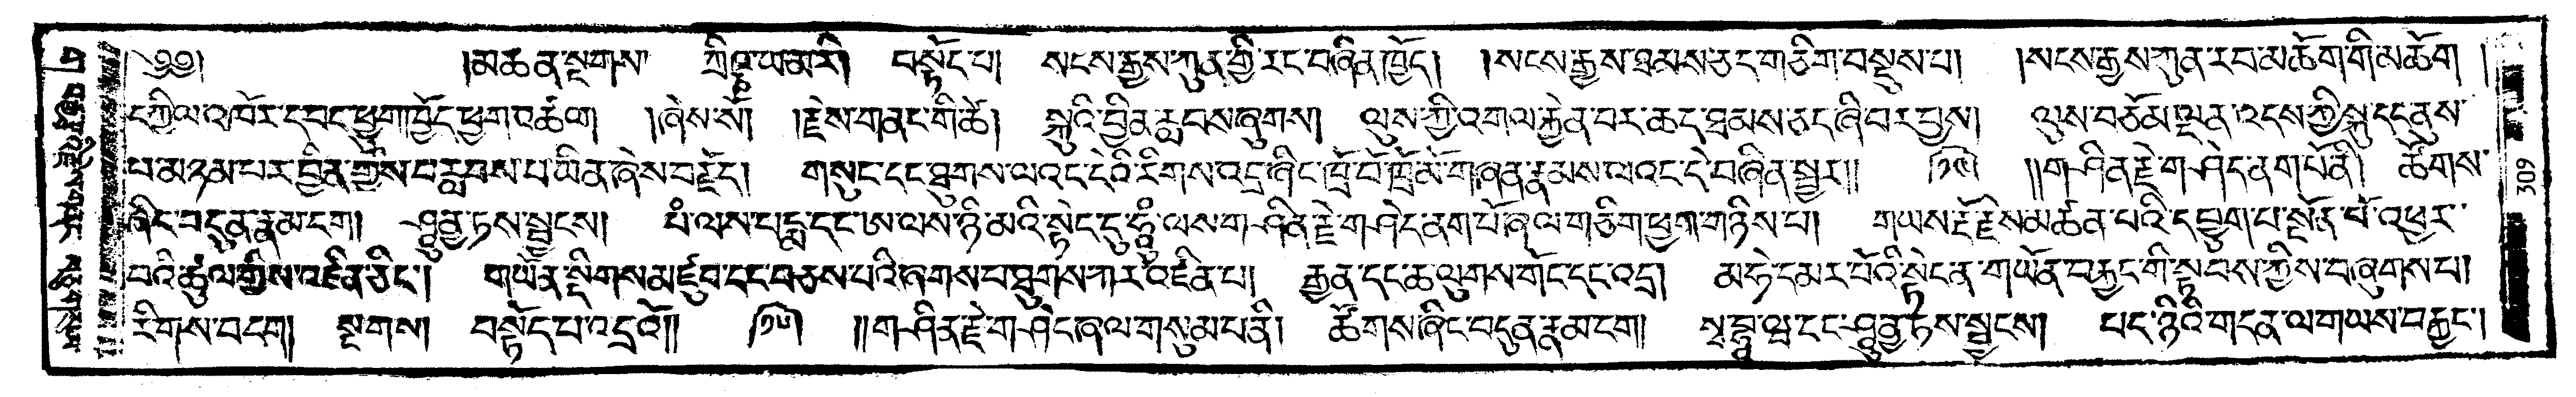༄༅། །མཚན་སྔགས། ཀྲིཥྞ་ཡ་མ་རི། བསྟོད་པ། སངས་རྒྱས་ཀུན་གྱི་རང་བཞིན་ཁྱོད། །སངས་རྒྱས་ཐམས་ཅད་གཅིག་བསྡུས་པ། །སངས་རྒྱས་ཀུན་རབ་མཆོག་གི་མཆོག །
དཀྱིལ་འཁོར་དབང་ཕྱུག་ཁྱོད་ཕྱག་འཚལ། །ཞེས་སོ། །རྗེས་གནང་གི་ཚེ། སྐུའི་བྱིན་རླབས་ཞུགས། ལུས་ཀྱི་འགལ་རྐྱེན་བར་ཆད་ཐམ་ཅད་ཞི་བར་བྱས། ལུས་བཅོམ་ལྡན་འདས་ཀྱི་སྐུ་དང་ནུས་
པ་མཉམ་པར་བྱིན་གྱིས་བརླབས་པ་ཡིན་ཞེས་བརྗོད། གསུང་དང་ཐུགས་ལའང་དེའི་རིགས་འདྲ་ཞིང་ཁྲོ་བོ་ཁྲོ་མོ་གཞན་རྣམས་ལའང་དེ་བཞིན་སྦྱར།། ༡༤?་།།གཤིན་རྗེ་གཤེད་ནག་པོ་ནི། ཚོགས་
ཞིང་བདུན་རྣམ་དག། ཤཱུནྱ་ཏས་སྦྱངས། པཾ་ལས་པདམ་དང་ཨ་ལས་ཉི་མའི་སྟེང་དུ་ཧཱུཾ་ལས་གཤིན་རྗེ་གཤེད་ནག་པོ་ཞལ་གཅིག་ཕྱག་གཉིས་པ། གཡས་རྡོ་རྗེས་མཚན་པའི་དབྱུག་པ་སྔོན་པོ་འཕྱར་
བའི་ཚུལ་གྱིས་འཛིན་ཅིང་། གཡོན་སྡིགས་མཛུབ་དང་བཅས་པའི་ཞགས་པ་ཐུགས་ཀར་འཛིན་པ། རྒྱན་དང་ཆ་ལུགས་གོང་དང་འདྲ། མ་ཧེ་དམར་པོའི་སྟེང་ན་གཡོན་བརྐྱང་གི་སྟབས་ཀྱིས་བཞུགས་པ།
རིགས་བདག། སྔགས། བསྟོད་པ་འདྲའོ།། ༡༥?་།།གཤིན་རྗེ་གཤེད་ཞལ་གསུམ་པ་ནི། ཚོགས་ཞིང་བདུན་རྣམ་དག། སྭ་བྷཱ་ཝ་དང་ཤཱུནྱ་ཏས་སྦྱངས། པད་ཉིའི་གདན་ལ་གཡས་བརྐྱང་།